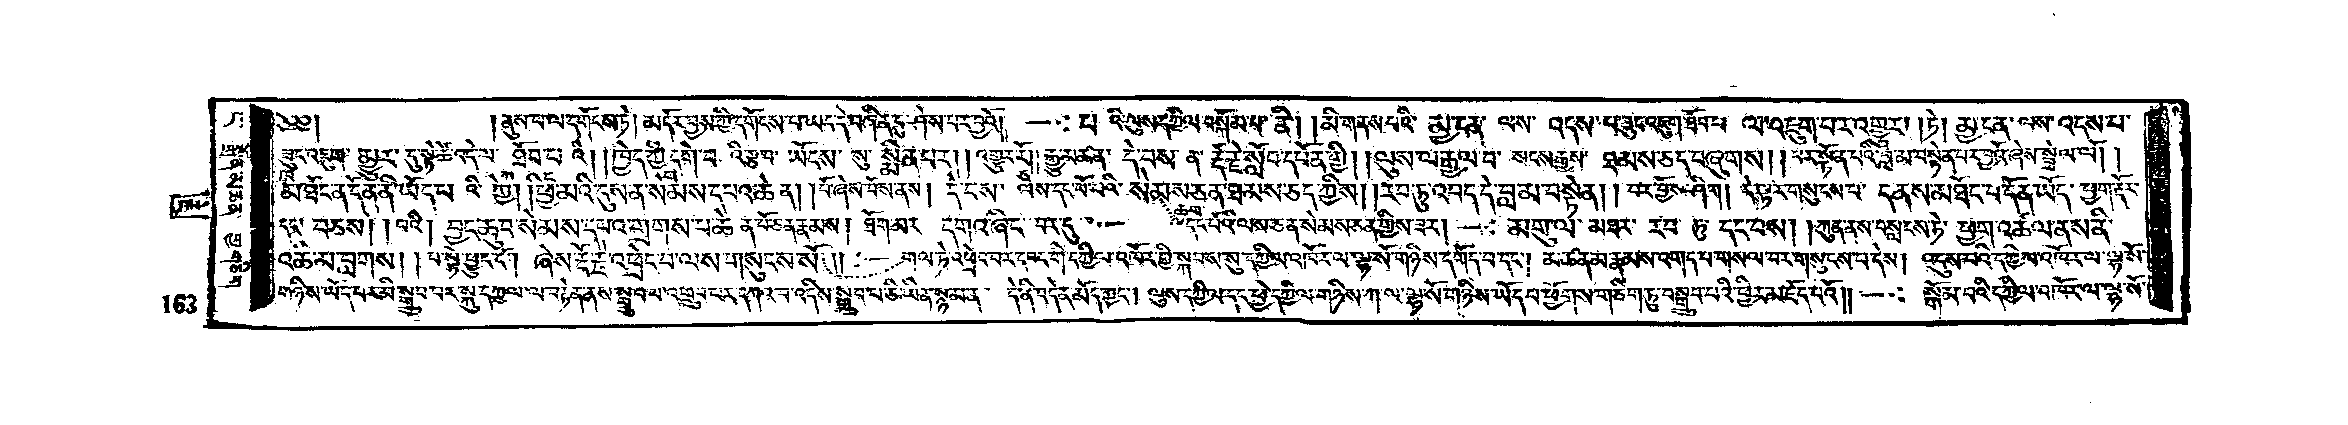༄༅། ། ནུས་པ་ལ་དགོངས་ཏེ། མདོར་བྱས་ཀྱི་དགོངས་པ་ཡང་དེ་བཞིན་དུ་ཤེས་པར་བྱའོ།། .Hཔའི་ལུས་དཀྱིལ་བསྒོམ་པ་ནི། ། མི་གནས་པའི་མྱ་ངན་ལས་འདས་པ་ཟུང་འཇུག་ཐོབ་པ་ལ་འཇུག་པར་འགྱུར། ། ཏེ། མྱ་ངན་ལས་འདས་པ་
ཟུང་འཇུག་མྱུར་དུ་སྟེ་ཚེ་འདི་ལ་ཐོབ་པའི། །ཁྱེད་ཀྱི་དགེ་བའི་རྩ་བ་ཡོངས་སུ་སྨིན་པར། ། འགྱུར་རོ། །རྒྱུ་མཚན་དེ་བས་ན་རྡོ་རྗེ་སློབ་དཔོན་གྱི། །ལུས་ལ་རྒྱལ་བ་སངས་རྒྱས་ཐམས་ཅད་བཞུགས། ། པར་སྟོན་པའི་བླ་མ་བསྟེན་པར་བྱའོ་ཞེས་སྦྲེལ་ལོ། །
ཁ་མཐོང་ན་དོན་ནི་ཡོད་པའི་ཀ་ཀྱེ། །ང་ཕྱི་མའི་དུས་ན་ག་སེམས་དཔའ་ཆེན། །པོ་ཞེས་བོས་ནས། དེ་བས་ཅ་ལས་དང་པོ་པའི་སེམས་ཅན་ཐམས་ཅད་ཀྱིས། །རབ་ཏུ་འབད་དེ་བླ་མ་བསྟེན། ། པར་བྱོས་ཤིག །དེ་ལྟར་གསུངས་པ་དེ་ནས་མཐོང་བ་དོན་ཡོད་ཕྱག་རྡོར་
དང་བཅས། ། པའི། བྱང་ཆུབ་སེམས་དཔའ་གྲགས་པ་ཆེན་པོ་ཅན་རྣམས། ཐོག་མར་དགའ་ཞིང་བར་དུ་H.་ཆག་༧དང་པོའི་ལས་ཅན་སེམས་ཅན་གྱིས་ཟེར།  .Hམགུ་ལ་མཐར་རབ་ཏུ་དང་བས། ། ཀུན་ནས་བསླངས་ཏེ་ཕྱག་འཚལ་ནས་ནི་
འཆི་མ་བླགས། ། པ་སྟེ་ཕྱུང་ངོ། ཞེས་རྡོ་རྗེ་འཕྲེང་བ་ལས་གསུངས་སོ།། H.་གལ་ཏེ་འཕྲེང་བར་དབང་གི་དཀྱིལ་འཁོར་གྱི་སྐབས་སུ་དཀྱིལ་འཁོར་ལ་ལྷ་སོ་གཉིས་དགོད་པ་དང་། མཚན་མ་རྣམས་འགད་པ་གསལ་བར་གསུངས་པ་དེས། འདུས་པའི་དཀྱིལ་འཁོར་ལ་ལྷ་སོ་
གཉིས་ཡོད་པར་མི་སྒྲུབ་པར་སྐུ་དཀྱིལ་ལ་བརྟེན་ནས་སྒྲུབ་པ་འགྲུབ་པར་དཀའ་བ་འདིས་སྒྲུབ་པ་ཅི་ཡིན་སྙམ་ན་དེ་ནི་བདེན་མོད་ཀྱང་། ལུས་དཀྱིལ་དང་ཕྱི་དཀྱིལ་གཉིས་ཀ་ལ་ལྷ་སོ་གཉིས་ཡོད་པ་ཕྱོགས་གཅིག་ཏུ་བསྒྲུབ་པའི་ཕྱིར་མཛད་པའོ།། .H སྒོམ་པའི་དཀྱིལ་འཁོར་ལ་ལྷ་སོ་